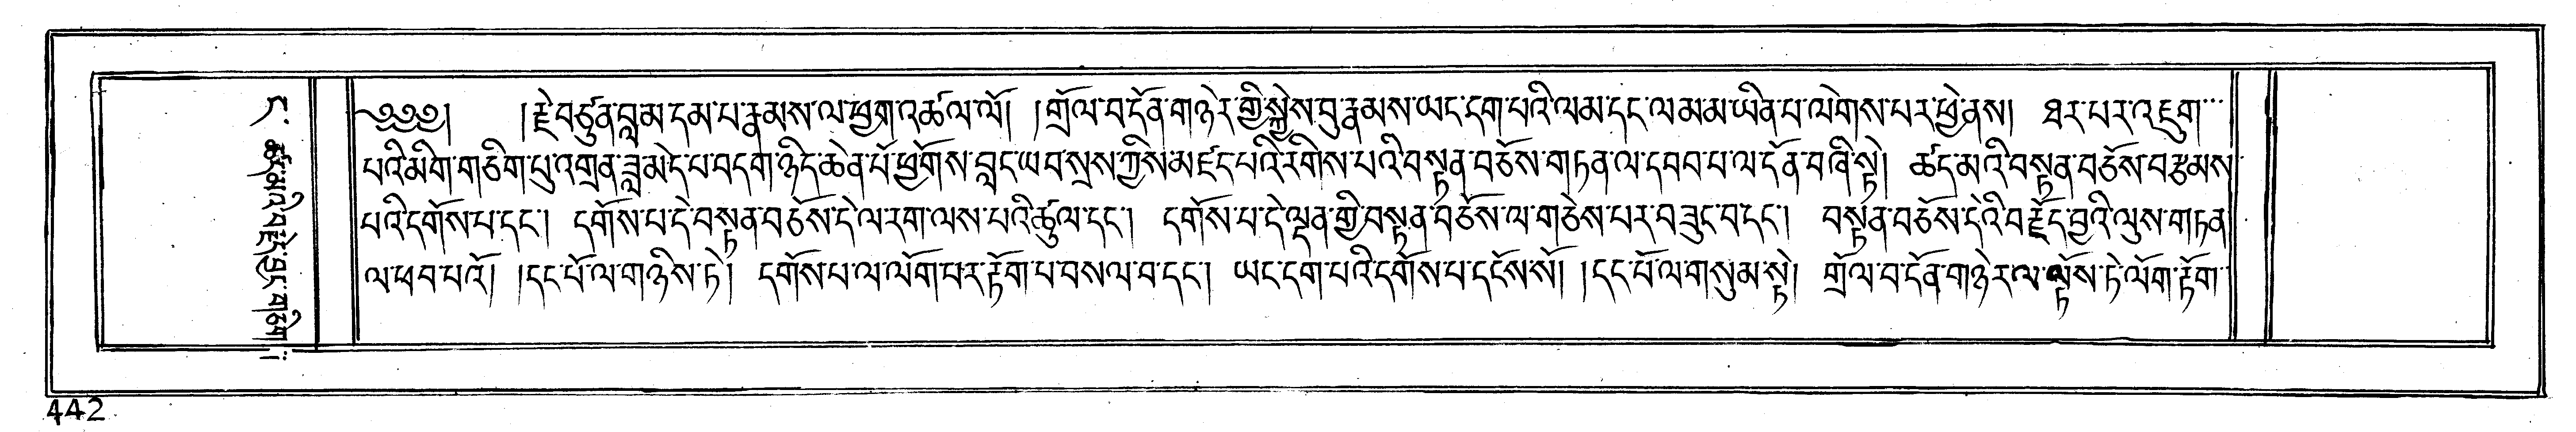༄༅༅། །རྗེ་བཙུན་བླ་མ་དམ་པ་རྣམས་ལ་ཕྱག་འཚལ་ལོ། །གྲོལ་བདོན་གཉེར་གྱི་སྐྱེས་བུ་རྣམས་ཡང་དག་པའི་ལམ་དང་ལམ་མ་ཡིན་པ་ལེགས་པར་ཕྱེ་ནས། ཐར་པར་འཇུག་
པའི་མིག་གཅིག་པུ་འགྲན་ཟླ་མེད་པ་བདག་ཉིད་ཆེན་པོ་ཕྱོགས་གླང་ཡབ་སྲས་ཀྱིས་མཛད་པའི་རིགས་པའི་བསྟན་བཅོས་གཏན་ལ་དབབ་པ་ལ་དོན་བཞི་སྟེ། ཚད་མའི་བསྟན་བཅོས་བརྩམས་
པའི་དགོས་པ་དང་། དགོས་པ་དེ་བསྟན་བཅོས་དེ་ལ་རག་ལས་པའི་ཚུལ་དང་། དགོས་པ་དེ་ལྡན་གྱི་བསྟན་བཅོས་ལ་གཅེས་པར་བཟུང་བ་དང་། བསྟན་བཅོས་དེའི་བརྗོད་བྱའི་ལུས་གཏན་
ལ་ཕབ་པའོ། །དང་པོ་ལ་གཉིས་ཏེ། དགོས་པ་ལ་ལོག་པར་རྟོག་པ་བསལ་བ་དང་། ཡང་དག་པའི་དགོས་པ་དངོས་སོ། །དང་པོ་ལ་གསུམ་སྟེ། གྲོལ་བ་དོན་གཉེར་ལ་ལྟོས་ཏེ་ལོག་རྟོག་